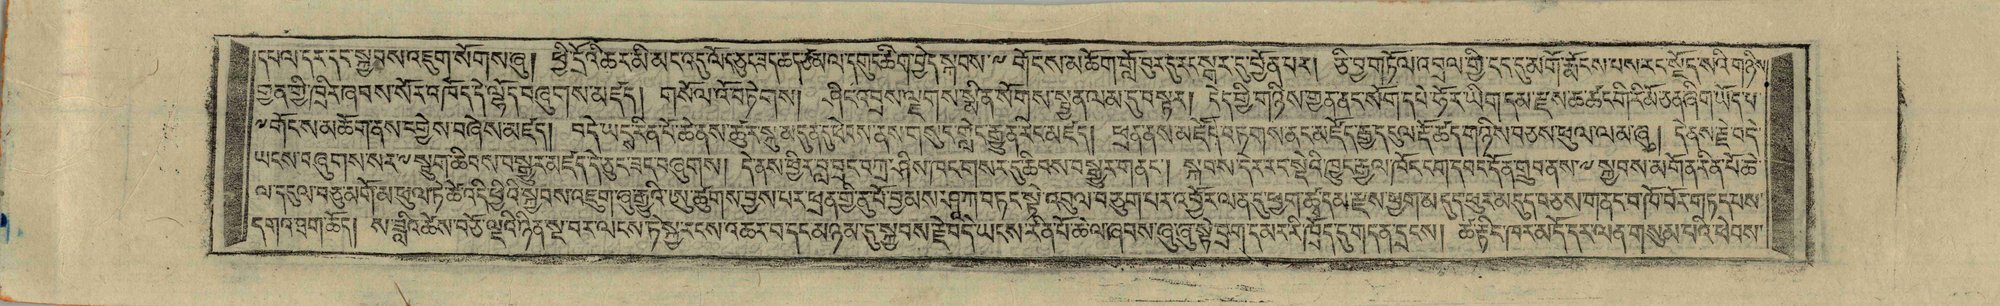དཔལ་དར་དང་སྐྱབས་འཇུག་སོགས་ཞུ། ཕྱི་དྲོའི་ཆར་མི་མང་འདུ་ལོང་ཅུང་ཟད་ཆད་ཙམ་ལ་དགུང་ཚིག་བྱེད་སྐབས་༧གོང་ས་མཆོག་གློ་བུར་དུ་རང་སྒར་དུ་བྱོན་པར། ཅི་བྱ་གཏོལ་འབྲལ་གྱི་ངང་དུ་མགོ་རྨོངས་པས་རང་སྡོད་སའི་གཉིས་
གྱན་གྱི་ཁྲིར་ཞབས་སོར་འཁོད་དེ་ལྷོད་བཞུགས་མཛད། གསོལ་འོ་བཏེགས། ཤིང་འབྲས་ལྗགས་སྨིན་སོགས་སྤྱན་ལམ་དུ་བསྟར། ངེད་གྱི་གཉིས་གྱན་ནང་སོག་དཔེ་ཧོར་ཡིག་དམ་རྫས་ཆ་ཚང་གི་རི་མོ་ཅན་ཞིག་ཡོད་པ་
༧གོང་ས་མཆོག་ནས་དགྱེས་བཞེས་མཛད། བདེ་ཡངས་རིན་པོ་ཆེ་ནས་ཚུར་སྐུ་མདུན་དུ་ཕེབས་ནས་གསུང་གླེང་རྒྱུན་རིང་མཛད། ཕྲན་ནས་མཛོད་བཏགས་ནང་མཛོད་རྒྱ་དངུལ་རྡོ་ཚད་གཉིས་བཅས་ཕུལ་ལམ་ཞུ། དེ་ནས་རྗེ་བདེ་
ཡངས་བཞུགས་སར་༧སྦུག་ཆིབས་བསྒྱུར་མཛད་དེ་ཅུང་ཟད་བཞུགས། དེ་ནས་ཕྱིར་བླ་བྲང་བཀྲ་ཤིས་ཁང་གསར་དུ་ཆིབས་བསྒྱུར་གནང་། སྐབས་དེར་རང་སྡེའི་ཁྱུང་རྒྱལ་ཁོང་ངག་དབང་དོན་གྲུབ་ནས་༧སྐྱབས་མགོན་རིན་པོ་ཆེ་
ལ་དངུལ་བཅུ་མགོ་མ་ཕུལ་ཏེ་ཚེ་འདི་ཕྱིའི་སྐྱབས་འཇུག་ཞུ་རྒྱུའི་ཨུ་ཚུགས་བྱས་པར་ཕྲན་གྱི་ནུ་པོ་བྱམས་ཤཱཀ་བཏང་སྟེ་འབུལ་བཅུག་པར་འབྱོར་ལན་དུ་ཕྱག་ཚྭ་དམ་རྫས་ཕྱག་མདུད་ཕུར་མདུད་བཅས་གནང་བ་ཁོ་བོར་གཏད་པས་
དགའ་ཐག་ཆོད། ས་ཟླའི་ཚེས་བཅོ་ལྔའི་ཉིན་སྔ་བར་ལངས་ཏེ་སྐྱ་རངས་འཆར་བ་དང་མཉམ་དུ་སྐྱབས་རྗེ་བདེ་ཡངས་རིན་པོ་ཆེ་ལ་ཞབས་ཞུ་ཞུ་སྟེ་བྲག་དམར་རི་ཁྲོད་དུ་གདན་དྲངས། ཚ་རྟིང་ཁར་མདོ་དར་ལན་གསུམ་པའི་ཕེབས་